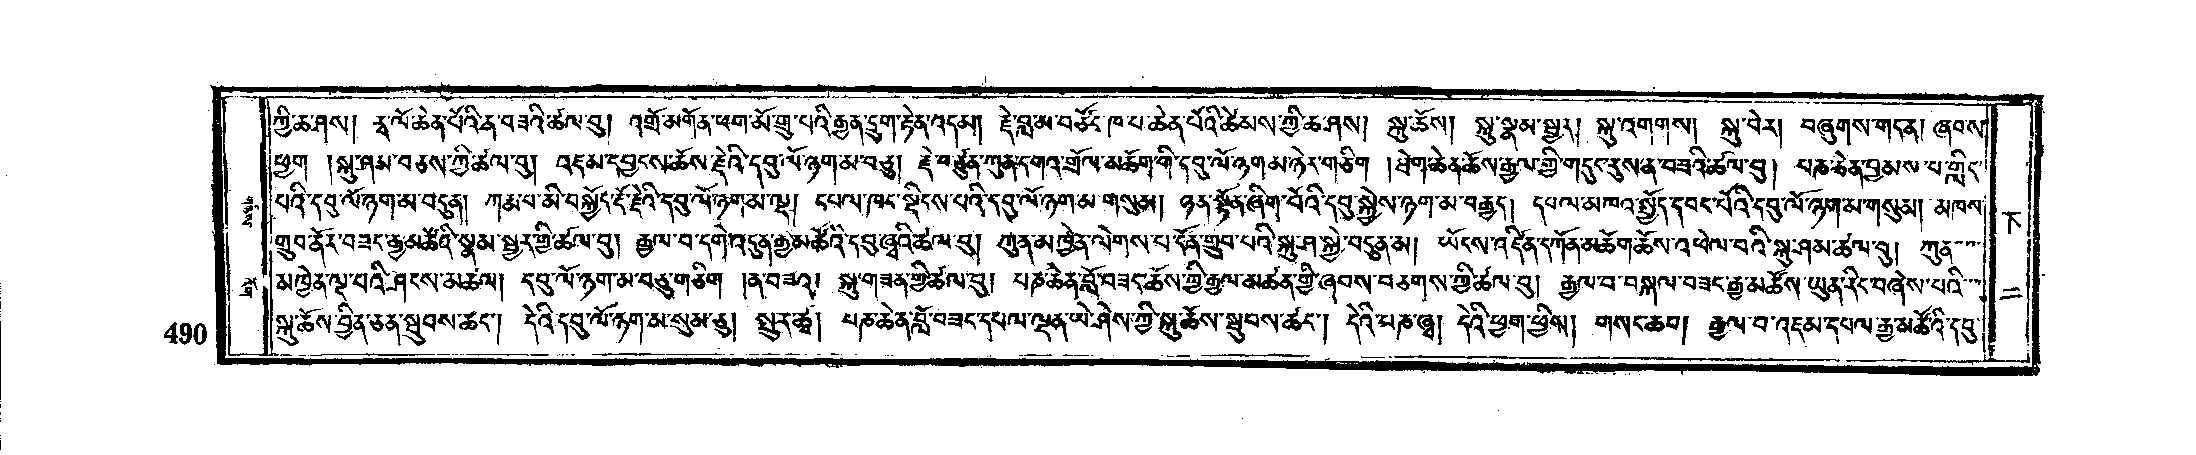ཀྱི་ཆ་ཤས། རྭ་ལོ་ཆེན་པོའི་ན་བཟའི་ཚལ་བུ། འགྲོ་མགོན་ཕག་མོ་གྲུ་པའི་རྒྱན་དྲུག་རྟེན་འདམ། རྗེ་བླ་མ་བཙོང་ཁ་པ་ཆེན་པོའི་ཚེམས་ཀྱི་ཆ་ཤས། སྐུ་ཆོས། སྐུ་སྣམ་སྦྱར། སྐུ་འགགས། སྐུ་བེར། བཞུགས་གདན། ཞབས་
ཕྱག །སྐུ་ཤམ་བཅས་ཀྱི་ཚལ་བུ། འཇམ་དབྱངས་ཆོས་རྗེའི་དབུ་ལོ་ཉག་མ་བཅུ། རྗེ་བཙུན་ཀུན་དགའ་གྲོལ་མཆོག་གི་དབུ་ལོ་ཉག་མ་ཉེར་གཅིག། །ཐེག་ཆེན་ཆོས་རྒྱལ་གྱི་གདུང་རུས་ན་བཟའི་ཚལ་བུ། པཎ་ཆེན་བྱམས་པ་གླིང་
པའི་དབུ་ལོ་ཉག་མ་བདུན། ཀརྨ་མི་བསྐྱོད་རྡོ་རྗེའི་དབུ་ལོ་ཉག་མ་ལྔ། དཔལ་ཁང་སྡིངས་པའི་དབུ་ལོ་ཉག་མ་གསུམ། ཉན་སྟོན་ཞིག་བོའི་དབུ་སྐྱེས་ཉག་མ་བརྒྱད། དཔལ་མཁའ་སྤྱོད་དབང་པོའི་དབུ་ལོ་ཉག་མ་གསུམ། མཁས་
གྲུབ་ནོར་བཟང་རྒྱ་མཚོའི་སྣམ་སྦྱར་གྱི་ཚལ་བུ། རྒྱལ་བ་དགེ་འདུན་རྒྱ་མཚོའི་དབུ་ཞྭའི་ཚལ་བུ། ཀུན་མཁྱེན་ལེགས་པ་དོན་གྲུབ་པའི་སྐུ་ཤ་སྐྱེ་བདུན་མ། ཡོངས་འཛིན་དཀོན་མཆོག་ཆོས་འཕེལ་བའི་སྐུ་ཤམ་ཚལ་བུ། ཀུན་
མཁྱེན་ལྔ་པའི་ཤངས་མཚལ། དབུ་ལོ་ཉག་མ་བཅུ་གཅིག །ན་བཟའ། སྐུ་གཟན་གྱི་ཚལ་བུ། པཎ་ཆེན་བློ་བཟང་ཆོས་ཀྱི་རྒྱལ་མཚན་གྱི་ཞབས་བཅགས་ཀྱི་ཚལ་བུ། རྒྱལ་བ་བསྐལ་བཟང་རྒྱ་མཚོས་ཡུན་རིང་བཞེས་པའི་
སྐུ་ཆོས་བྱིན་ཅན་སྦུབས་ཚང་། དེའི་དབུ་ལོ་ཉག་མ་སུམ་ཅུ། སྤུར་ཚྭ། པཎ་ཆེན་བློ་བཟང་དཔལ་ལྡན་ཡེ་ཤེས་ཀྱི་སྐུ་ཆོས་སྦུབས་ཚང་། དེའི་པཎ་ཞྭ། དེའི་ཕྱག་ཕྱིས། གསང་ཆབ། རྒྱལ་བ་འཇམ་དཔལ་རྒྱ་མཚོའི་དབུ་